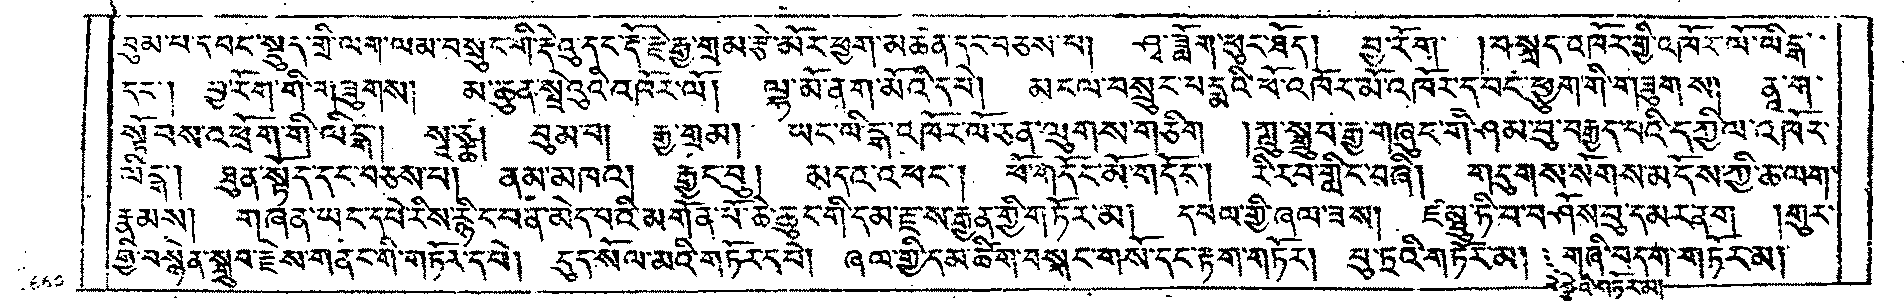བུམ་པ་དབང་སྡུད་གྲི་ལག་ལམ་བསྲུང་གི་རྡེའུ་དང་རྡོ་རྗེ་རྒྱ་གྲམ་རྩེ་མོར་ཕྱག་མཚན་དང་བཅས་པ། ཤྭ་ཟློག་ཕུར་ཐོད། བྱ་རོག །བསྐྲད་འཁོར་གྱི་འཁོར་ལོ་ལིངྒ་
དང་། བྱ་རོག་གི་གཟུགས། མ་ཆུན་སྤྲེའུའི་འཁོར་ལོ། ལྷ་མོ་ནག་མོའི་དཔེ། མངལ་བསྲུང་པདམའི་ཕོ་འཁོར་མོ་འཁོར་དབང་ཕྱུག་གི་གཟུགས། ནཱ་ག་
སྟོབས་འཕྲོག་གི་ལིངྒ། སཱ་ཙྪ། བུམ་པ། རྒྱ་གྲམ། ཡང་ལིངྒ་འཁོར་ལོ་ཅན་ལུགས་གཅིག །ཀླུ་སྒྲུབ་རྒྱ་གཞུང་གི་ཤམ་བུ་བརྒྱད་པའི་དཀྱིལ་འཁོར་
ལིངྒ། ཐུན་སྟོད་དང་བཅས་པ། ནམ་མཁའ། རྒྱང་བུ། མདའ་འཕང་། ཕོ་གདོང་མོ་གདོང་། རི་རབ་གླིང་བཞི། གདུགས་སོགས་མདོས་ཀྱི་ཆ་ལག་
རྣམས། གཞན་ཡང་དཔེ་རིས་རྙིང་བ་ན་མེད་པའི་མགོན་པོ་ཆེ་ཆུང་གི་དམ་རྫས་རྒྱན་གྱི་གཏོར་མ། དཔལ་གྱི་ཞལ་ཟས། ཛམྦུ་ཏི་བ་བཤོས་བུ་དམར་ནག །གུར་
གྱི་བསྙེན་སྒྲུབ་རྗེས་གནང་གི་གཏོར་དཔེ། དུད་སོལ་མའི་གཏོར་དཔེ། ཞལ་གྱི་དམ་ཚིག་བསྐང་གསོ་དང་རྟག་གཏོར། པུ་ཏྲའི་གཏོར་མ། བེཀྩེའི་གཏོར་མ། གཞི་བདག་གཏོར་མ།